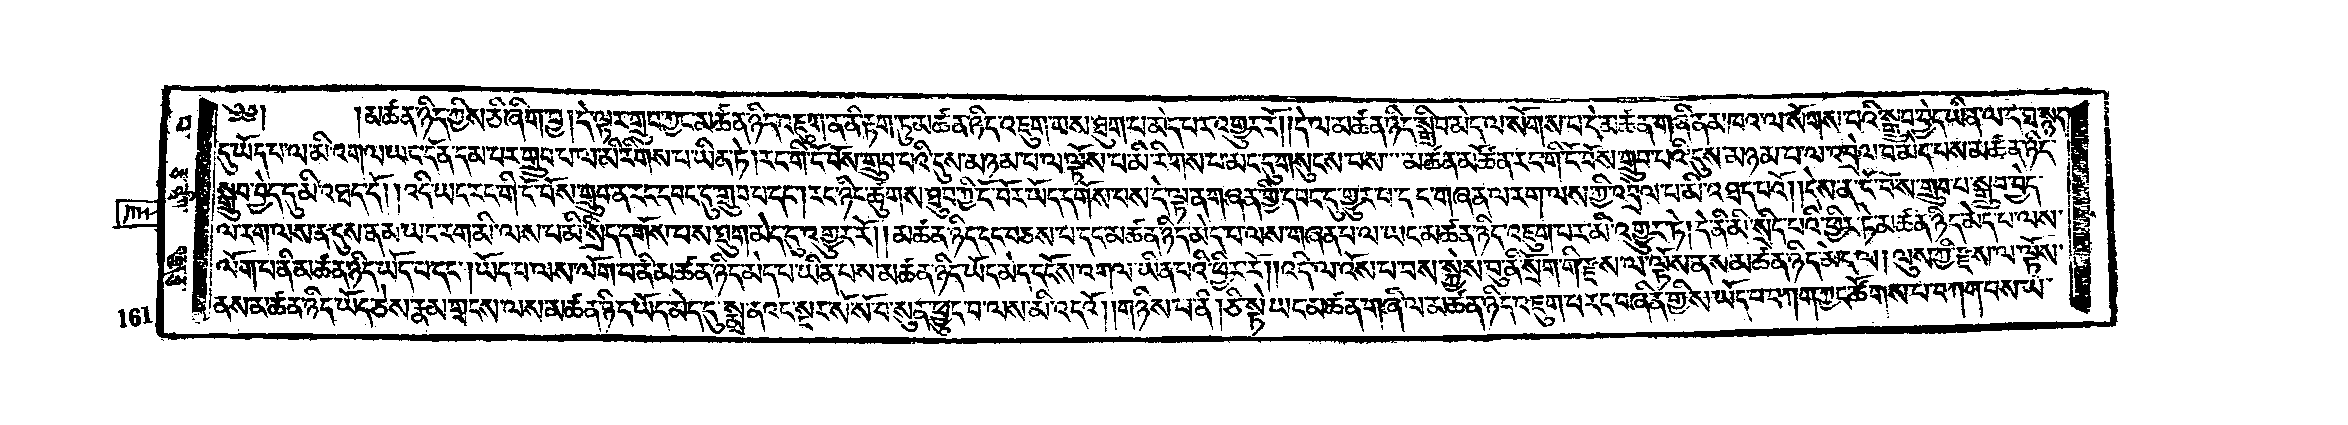༄༅། །མཚན་ཉིད་ཀྱིས་ཅི་ཞིག་བྱ། དེ་ལྟར་གྲུབ་ཀྱང་མཚན་ཉིད་འཇུག་ན་ནི་རྟག་ཏུ་མཚན་ཉིད་འཇུག་པས་ཐུག་པ་མེད་པར་འགྱུར་རོ། །དེ་ལ་མཚན་ཉིད་སྒྲུབ་མེད་ལ་སོགས་པ་དེ་མཚན་གཞི་ནམཁའ་ལ་སོགས་པའི་སྒྲུབ་བྱེད་ཡིན་ལ་དེ་ཐ་སྙད་
དུ་ཡོད་པ་ལ་མི་འགལ་ཡང་དོན་དམ་པར་གྲུབ་པ་ལ་མི་རིགས་པ་ཡིན་ཏེ། རང་གི་ངོ་བོས་གྲུབ་པའི་དུས་མཉམ་པ་ལ་ལྟོས་པ་མི་རིགས་པ་མང་དུ་གསུངས་པས་མཚན་མཚོན་རང་གི་ངོ་བོས་གྲུབ་པའི་དུས་མཉམ་པ་ལ་འབྲེལ་པ་མེད་པས་མཚན་ཉིད་
སྒྲུབ་བྱེད་དུ་མི་འཐད་དོ། །འདི་ཡང་རང་གི་ངོ་བོས་གྲུབ་ན་རང་དབང་དུ་གྲུབ་པ་དང་། རང་ཉིད་ཚུགས་ཐུབ་ཀྱི་ངོ་བོར་ཡོད་དགོས་པས་དེ་ལྟ་ན་གཞན་གྱི་དབང་དུ་གྱུར་པ་དང་གཞན་ལ་རག་ལས་ཀྱི་འབྲེལ་པ་མི་འཐད་པའོ། །དེས་ན་ངོ་བོས་གྲུབ་པ་སྒྲུབ་བྱེད་
ལ་རག་ལས་ན་དུས་ནམ་ཡང་རག་མི་ལས་པ་མི་སྲིད་དགོས་པས་ཐུག་མེད་དུ་འགྱུར་རོ། །མཚན་ཉིད་དང་བཅས་པ་དང་མཚན་ཉིད་མེད་པ་ལས་གཞན་པ་ལ་ཡང་མཚན་ཉིད་འཇུག་པར་མི་འགྱུར་ཏེ། དེ་ནི་མི་སྲིད་པའི་ཕྱིར་ཏེ་མཚན་ཉིད་མེད་པ་ལས་
ལོག་པ་ནི་མཚན་ཉིད་ཡོད་པ་དང་། ཡོད་པ་ལས་ལོག་པ་ནི་མཚན་ཉིད་མེད་པ་ཡིན་པས་མཚན་ཉིད་ཡོད་མེད་དངོས་འགལ་ཡིན་པའི་ཕྱིར་རོ། །འདི་ལ་འོས་པ་བས་སྐྱེས་བུ་ནི་སྲོག་གི་རྫས་ལ་ལྟོས་ནས་མཆན་ཉིད་མེད་ལ། ལུས་ཀྱི་རྫས་ལ་ལྟོས་
ནས་མཚན་ཉིད་ཡོད་ཅེས་རྣམ་གྲངས་ལས་མཚན་ཉིད་ཡོད་མེད་དུ་སྨྲ་ནའང་སྔར་སོ་སོ་བ་སུན་ཕྱུང་བ་ལས་མི་འདའོ། །གཉིས་པ་ནི། ཅི་སྟེ་ཡང་མཚན་གཞི་ལ་མཚན་ཉིད་འཇུག་པ་རང་བཞིན་གྱིས་ཡོད་པ་བཀག་ཀྱང་ཚོགས་པ་བཀག་པས་ཡ་